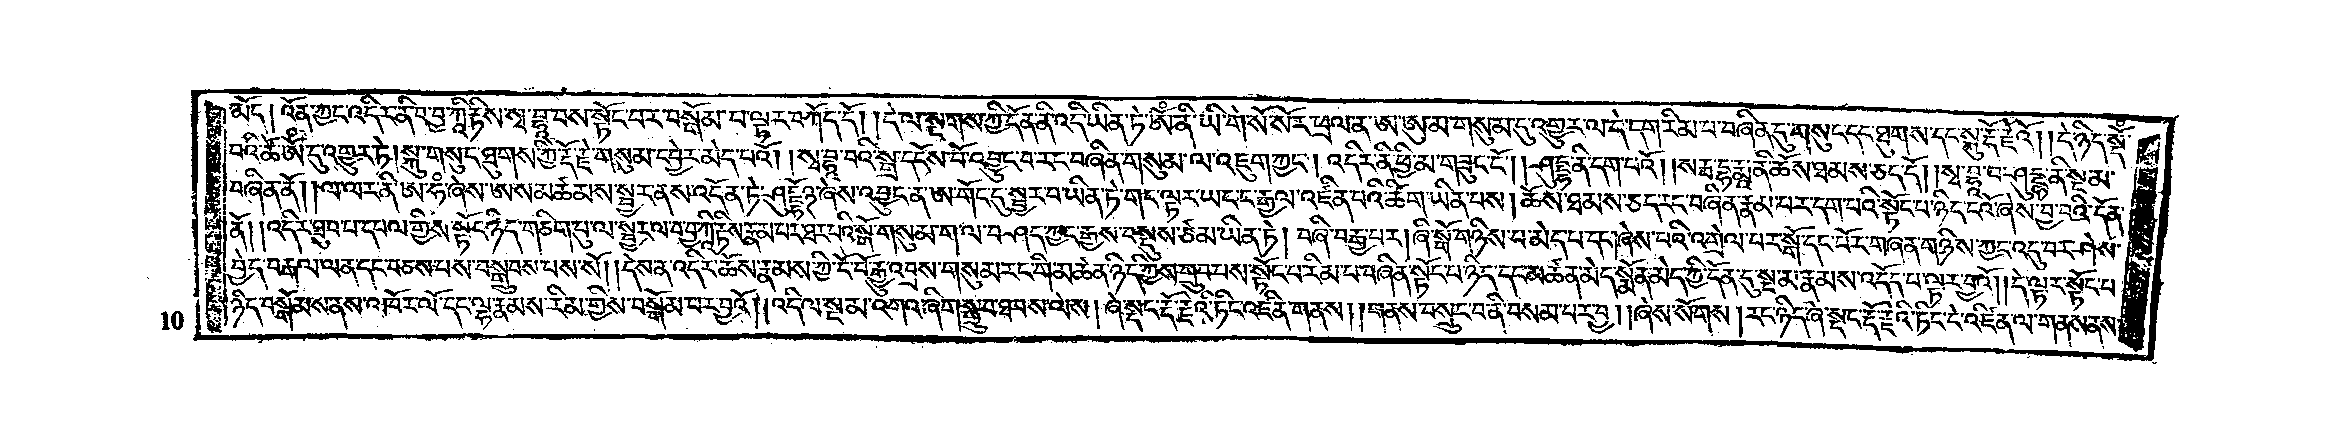མོད། འོན་ཀྱང་འདིར་ནི་བ་བྱ་ཀཱི་རྟིས་སྭ་བྷཱ་བས་སྟོང་པར་བསྒོམ་པ་ལྟར་བཀོད་དོ། །དེ་ལ་སྔགས་ཀྱི་དོན་ནི་འདི་ཡིན་ཏེ་ཨོཾ་ནི་ཡི་གེ་སོ་སོར་ཕྲལ་ན་ཨ་ཨུ་མ་གསུམ་དུ་འགྱུར་ལ་དེ་དག་རིམ་པ་བཞིན་དུ་གསུང་དང་ཐུགས་དང་སྐུ་རྡོ་རྗེའོ། །དེ་ཉིད་སྡོཾ་
པའི་ཚེ་ཨོཾ་དུ་འགྱུར་ཏེ། སྐུ་གསུང་ཐུགས་ཀྱི་རྡོ་རྗེ་གསུམ་དབྱེར་མེད་པའོ། །སྭ་བྷཱ་བའི་སྒྲ་དངོས་པོ་འབྱུང་བ་རང་བཞིན་གསུམ་ལ་འཇུག་ཀྱང་། འདིར་ནི་ཕྱི་མ་གཟུང་ངོ། །ཤུདྡྷ་ནི་དག་པའོ། །སརྦ་དྷ་རྨཱ་ནི་ཆོས་ཐམས་ཅད་དོ། །སྭ་བྷཱ་བ་ཤུདྡྷ་ནི་སྔ་མ་
བཞིན་ནོ། །ལ་ལར་ནི་ཨ་ཧཾ་ཞེས་ཨས་མཚམས་སྦྱར་ནས་འདོན་ཏེ་ཤུདྡྷོཉ་ཞེས་འབྱུང་ན་ཨ་གོང་དུ་སྦྱར་བ་ཡིན་ཏེ་གང་ལྟར་ཡང་ང་རྒྱལ་འཛིན་པའི་ཚིག་ཡིན་པས། ཆོས་ཐམས་ཅད་རང་བཞིན་རྣམ་པར་དག་པའི་སྟོང་པ་ཉིད་ངའོ་ཞེས་བྱ་བའི་དོན་
ནོ། །འདིར་ཐུབ་པ་དཔལ་གྱིས་སྟོང་ཉིད་གཅིག་པུ་ལ་སྦྱར་ལ་བ་བྱ་ཀཱི་རྟིས་རྣམ་པར་ཐར་པའི་སྒོ་གསུམ་ག་ལ་བཤད་ཀྱང་རྒྱས་བསྡུས་ཙམ་ཡིན་ཏེ། བཞི་བརྒྱ་པར། ཞི་སྒོ་གཉིས་པ་མེད་པ་དང་། ཞེས་པའི་འགྲེལ་པར་སྒོ་དང་པོར་གཞན་གཉིས་ཀྱང་འདུ་བར་ཤེས་
བྱེད་བརྒལ་ལན་དང་བཅས་པས་བསྒྲུབས་པས་སོ། །དེས་ན་འདིར་ཆོས་རྣམས་ཀྱི་ངོ་བོ་རྒྱུ་འབྲས་གསུམ་རང་གི་མཚན་ཉིད་ཀྱིས་གྲུབ་པས་སྟོང་པ་རིམ་པ་བཞིན་སྟོང་པ་ཉིད་དང་མཚན་མེད་སྨོན་མེད་ཀྱི་དོན་དུ་སྔ་མ་རྣམས་འདོད་པ་ལྟར་བྱའོ། །དེ་ལྟར་སྟོང་པ་
ཉིད་བསྒོམས་ནས་འཁོར་ལོ་དང་ལྷ་རྣམས་རིམ་གྱིས་བསྒོམ་པར་བྱའོ། །འདི་ལ་སྔ་མ་འགའ་ཞིག་སྒྲུབ་ཐབས་ལས། ཞེ་སྡང་རྡོ་རྗེའི་ཏིང་འཛིན་གནས། །གནས་བསྲུང་བ་ནི་བསམ་པར་བྱ། །ཞེས་སོགས། རང་ཉིད་ཞེ་སྡང་རྡོ་རྗེའི་ཏིང་ངེ་འཛིན་ལ་གནས་ནས་